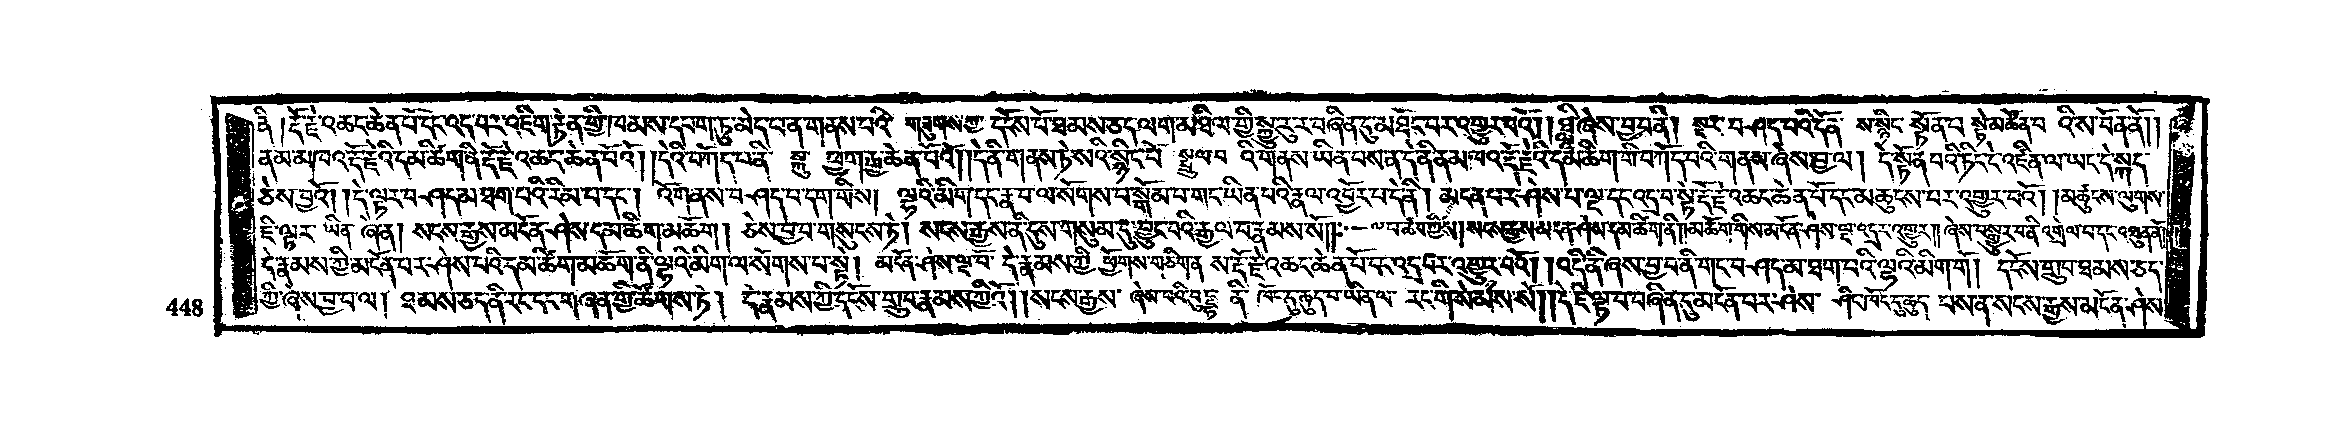ནི། རྡོ་རྗེ་འཆང་ཆེན་པོ་དང་འདྲ་བར་འཇིག་རྟེན་གྱི་ཁམས་དཔག་ཏུ་མེད་པ་ན་གནས་པའི་གཟུགས་ཀྱི་དངོས་པོ་ཐམས་ཅད་ལག་མཐིལ་གྱི་སྐྱུ་རུ་ར་བཞིན་དུ་མཐོང་བར་འགྱུར་བའོ། །ཐིཾལཱི་ཞེས་བྱ་བ་ནི། སྔར་བཤད་པའི་དོན་ས་སྙིང་སྟོན་པ་སྟེ་མཚོན་པའི་ས་བོན་ནོ།།
ནམ་མཁའ་རྡོ་རྗེའི་དམ་ཚིག་ནི་རྡོ་རྗེ་འཆང་ཆེན་པོའོ། །དེའི་བཀོད་པ་ནི་སྐུ་ཕྱག་རྒྱ་ཆེན་པོའི། །དེ་ནི་གནས་ཏེ་སའི་སྙིང་པོ་སྤྲུལ་བའི་གནས་ཡིན་པས་ན་དེ་ནི་ནམ་མཁའ་རྡོ་རྗེའི་དམ་ཚིག་གི་བཀོད་པའི་གནས་ཞེས་བྱ་ལ། དེ་སྟོན་པའི་ཏིང་ངེ་འཛིན་ལ་ཡང་དེ་སྐད་
ཅེས་བྱའོ། །དེ་ལྟར་བཤད་མ་ཐག་པའི་རིམ་པ་དང་། འོག་ནས་བཤད་པ་དག་གིས། ལྷའི་མིག་དང་རྣ་བ་ལ་སོགས་པ་སྒོམ་པ་གང་ཡིན་པའི་རྣལ་འབྱོར་བ་དེ་ནི། མངོན་པར་ཤེས་པ་ལྔ་དང་འདྲ་བ་སྟེ་རྡོ་རྗེ་འཆང་ཆེན་པོ་དང་མཚུངས་པར་འགྱུར་བའོ། ། མཚུངས་ལུགས
ཇི་ལྟར་ཡིན་ཞེ་ན། སངས་རྒྱས་མངོན་ཤེས་དམ་ཚིག་མཆོག །ཅེས་བྱ་བ་གསུངས་ཏེ། སངས་རྒྱས་ནི་དུས་གསུམ་དུ་བྱུང་བའི་རྒྱལ་བ་རྣམས་སོ།། H.་༧པ་ཚབ་ཀྱིས། སངས་རྒྱས་མངོན་ཤེས་དམ་ཚིག་ནི། །མཆོག་གིས་མངོན་ཤེས་ལྔ་འདྲར་འགྱུར། །ཞེས་བསྒྱུར་བ་ནི་འགྲེལ་པ་དང་འཐུན་ནོ།
དེ་རྣམས་ཀྱི་མངོན་པར་ཤེས་པའི་དམ་ཚིག་མཆོག་ནི་ལྷའི་མིག་ལ་སོགས་པ་སྟེ། མངོན་ཤེས་ལྔ་པོ་དེ་རྣམས་ཀྱི་ཕྱོགས་གཅིག་ནས་རྡོ་རྗེ་འཆང་ཆེན་པོ་དང་འདྲ་བར་འགྱུར་བའོ། །འདི་ནི་ཞས་བྱ་བ་ནི་གང་བཤད་མ་ཐག་པའི་ལྷའི་མིག་གོ། དངོས་གྲུབ་ཐམས་ཅད་
ཀྱི་ཞེས་བྱ་བ་ལ། ཐམས་ཅད་ནི་རང་དང་གཞན་གྱི་ཆོགས་ཏེ། དེ་རྣམས་ཀྱི་དངོས་གྲུབ་རྣམས་ཀྱིའོ། །སངས་རྒྱས་ཞེས་པའི་བུདྡྷ་ནི་ཁོང་དུ་ཆུད་པ་ཡིན་ལ་རང་གི་སེམས་སོ། །དེ་ཇི་ལྟ་བ་བཞིན་དུ་མངོན་པར་ཤེས་ཤིང་ཁོང་དུ་ཆུད་པས་ན་སངས་རྒྱས་མངོན་ཤེས་